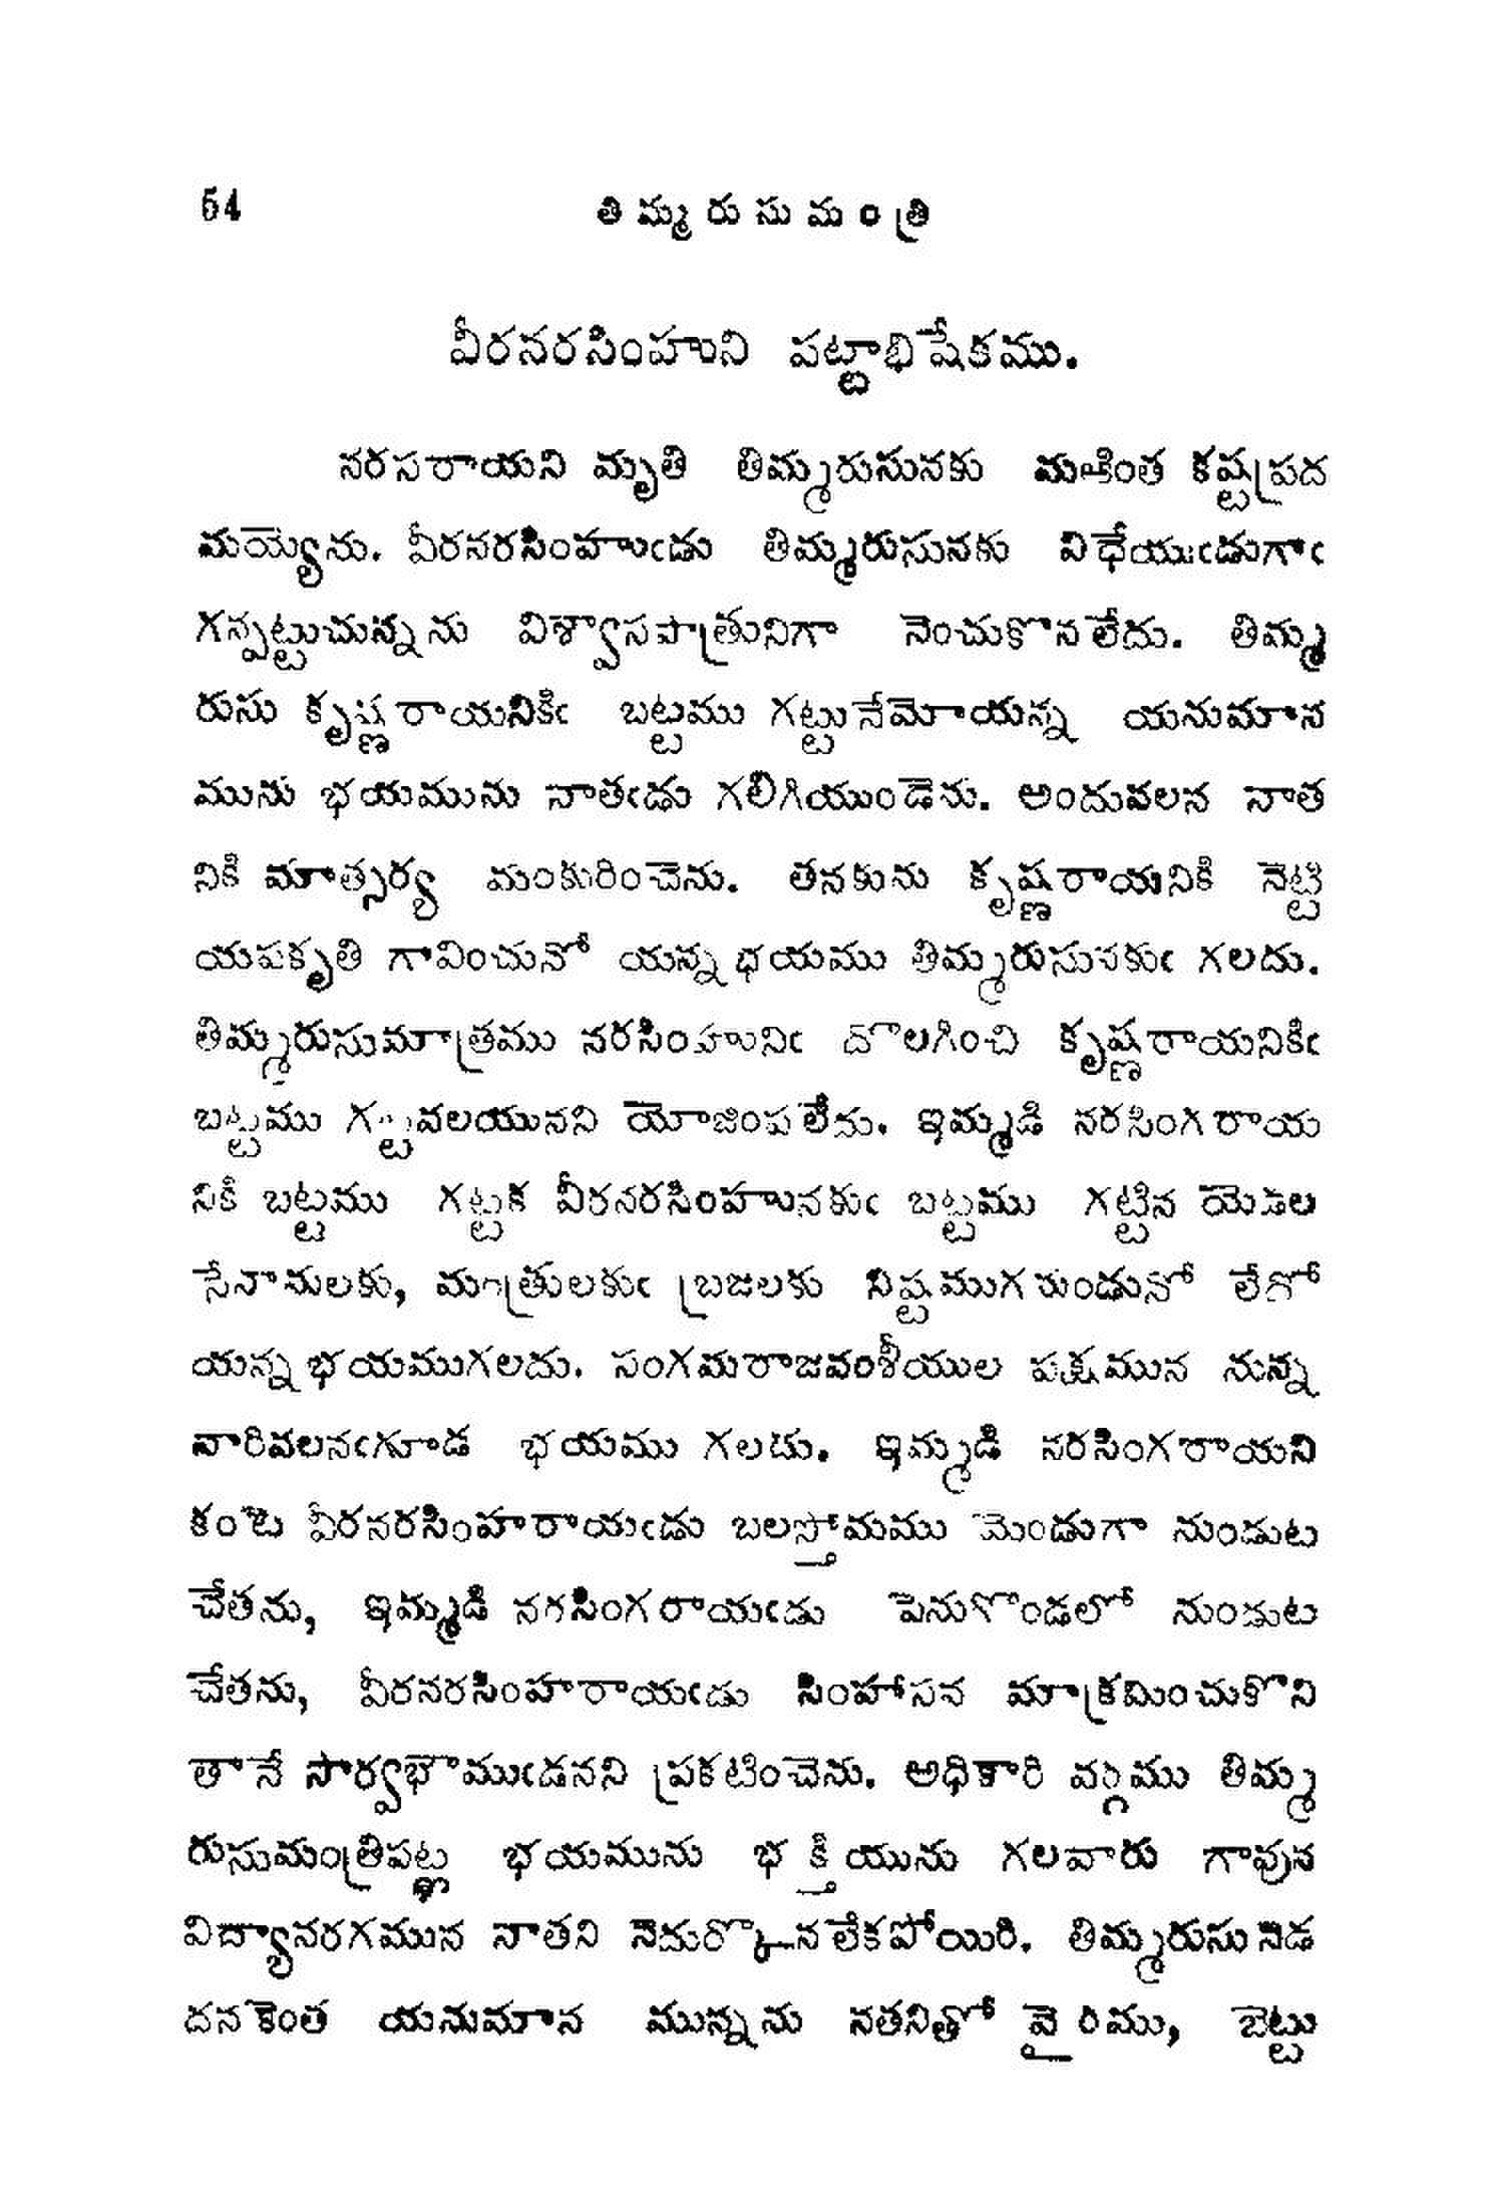వీరనరసింహుని పట్టాభిషేకము. 

నరసరాయని మృతి తిమ్మరుసునకు మఱింత కష్టప్రదమయ్యెను. వీరనరసింహుఁడు తిమ్మరుసునకు విధేయుఁడుగాఁ గన్పట్టుచున్నను విశ్వాసపాత్రునిగా నెంచుకొనలేదు. తిమ్మరుసు కృష్ణరాయనికిఁ బట్టము గట్టునేమోయన్న యనుమానముసు భయమును నాతఁడు గలిగియుండెను. అందువలన నాతనికి మాత్సర్య మంకురించెను. తనకును కృష్ణరాయనికి నెట్టి యపకృతి గావించునో యన్నభయము తిమ్మరుసునకుఁ గలదు. తిమ్మరుసుమాత్రము నరసింహునిఁ దొలగించి కృష్ణరాయనికి బట్టము గట్టవలయునని యోజింపలేదు. ఇమ్మడి 
నరసింగరాయనికి బట్టము గట్టక వీరనరసింహునకుఁ బట్టము గట్టిన యెడల సేనానులకు, మంత్రులకుఁ బ్రజలకు నిష్టముగనుండునో లేదో యన్నభయముగలదు. సంగమరాజవంశీయుల పక్షమున నున్న వారివలనఁగూడ భయము గలదు. ఇమ్మడి నరసింగరాయని కంటె వీరనరసింహరాయఁడు బలస్తోమము మెండుగా నుండుటచేతను, ఇమ్మడి నరసింగరాయఁడు పెనుగొండలో నుండుట చేతను, వీరనరసింహరాయఁడు సింహాసన మాక్రమించుకొని తానే సార్వభౌముఁడనని ప్రకటించెను. అధికారి వర్గము తిమ్మరుసుమంత్రి పట్ల భయమును భక్తియును గలవారు గావున విద్యానగరమున నాతని నెదుర్కొనలేకపోయిరి. తిమ్మరుసునెడ దసకెంత యనుమాన మున్నను నతనితో వైరము, బెట్టు